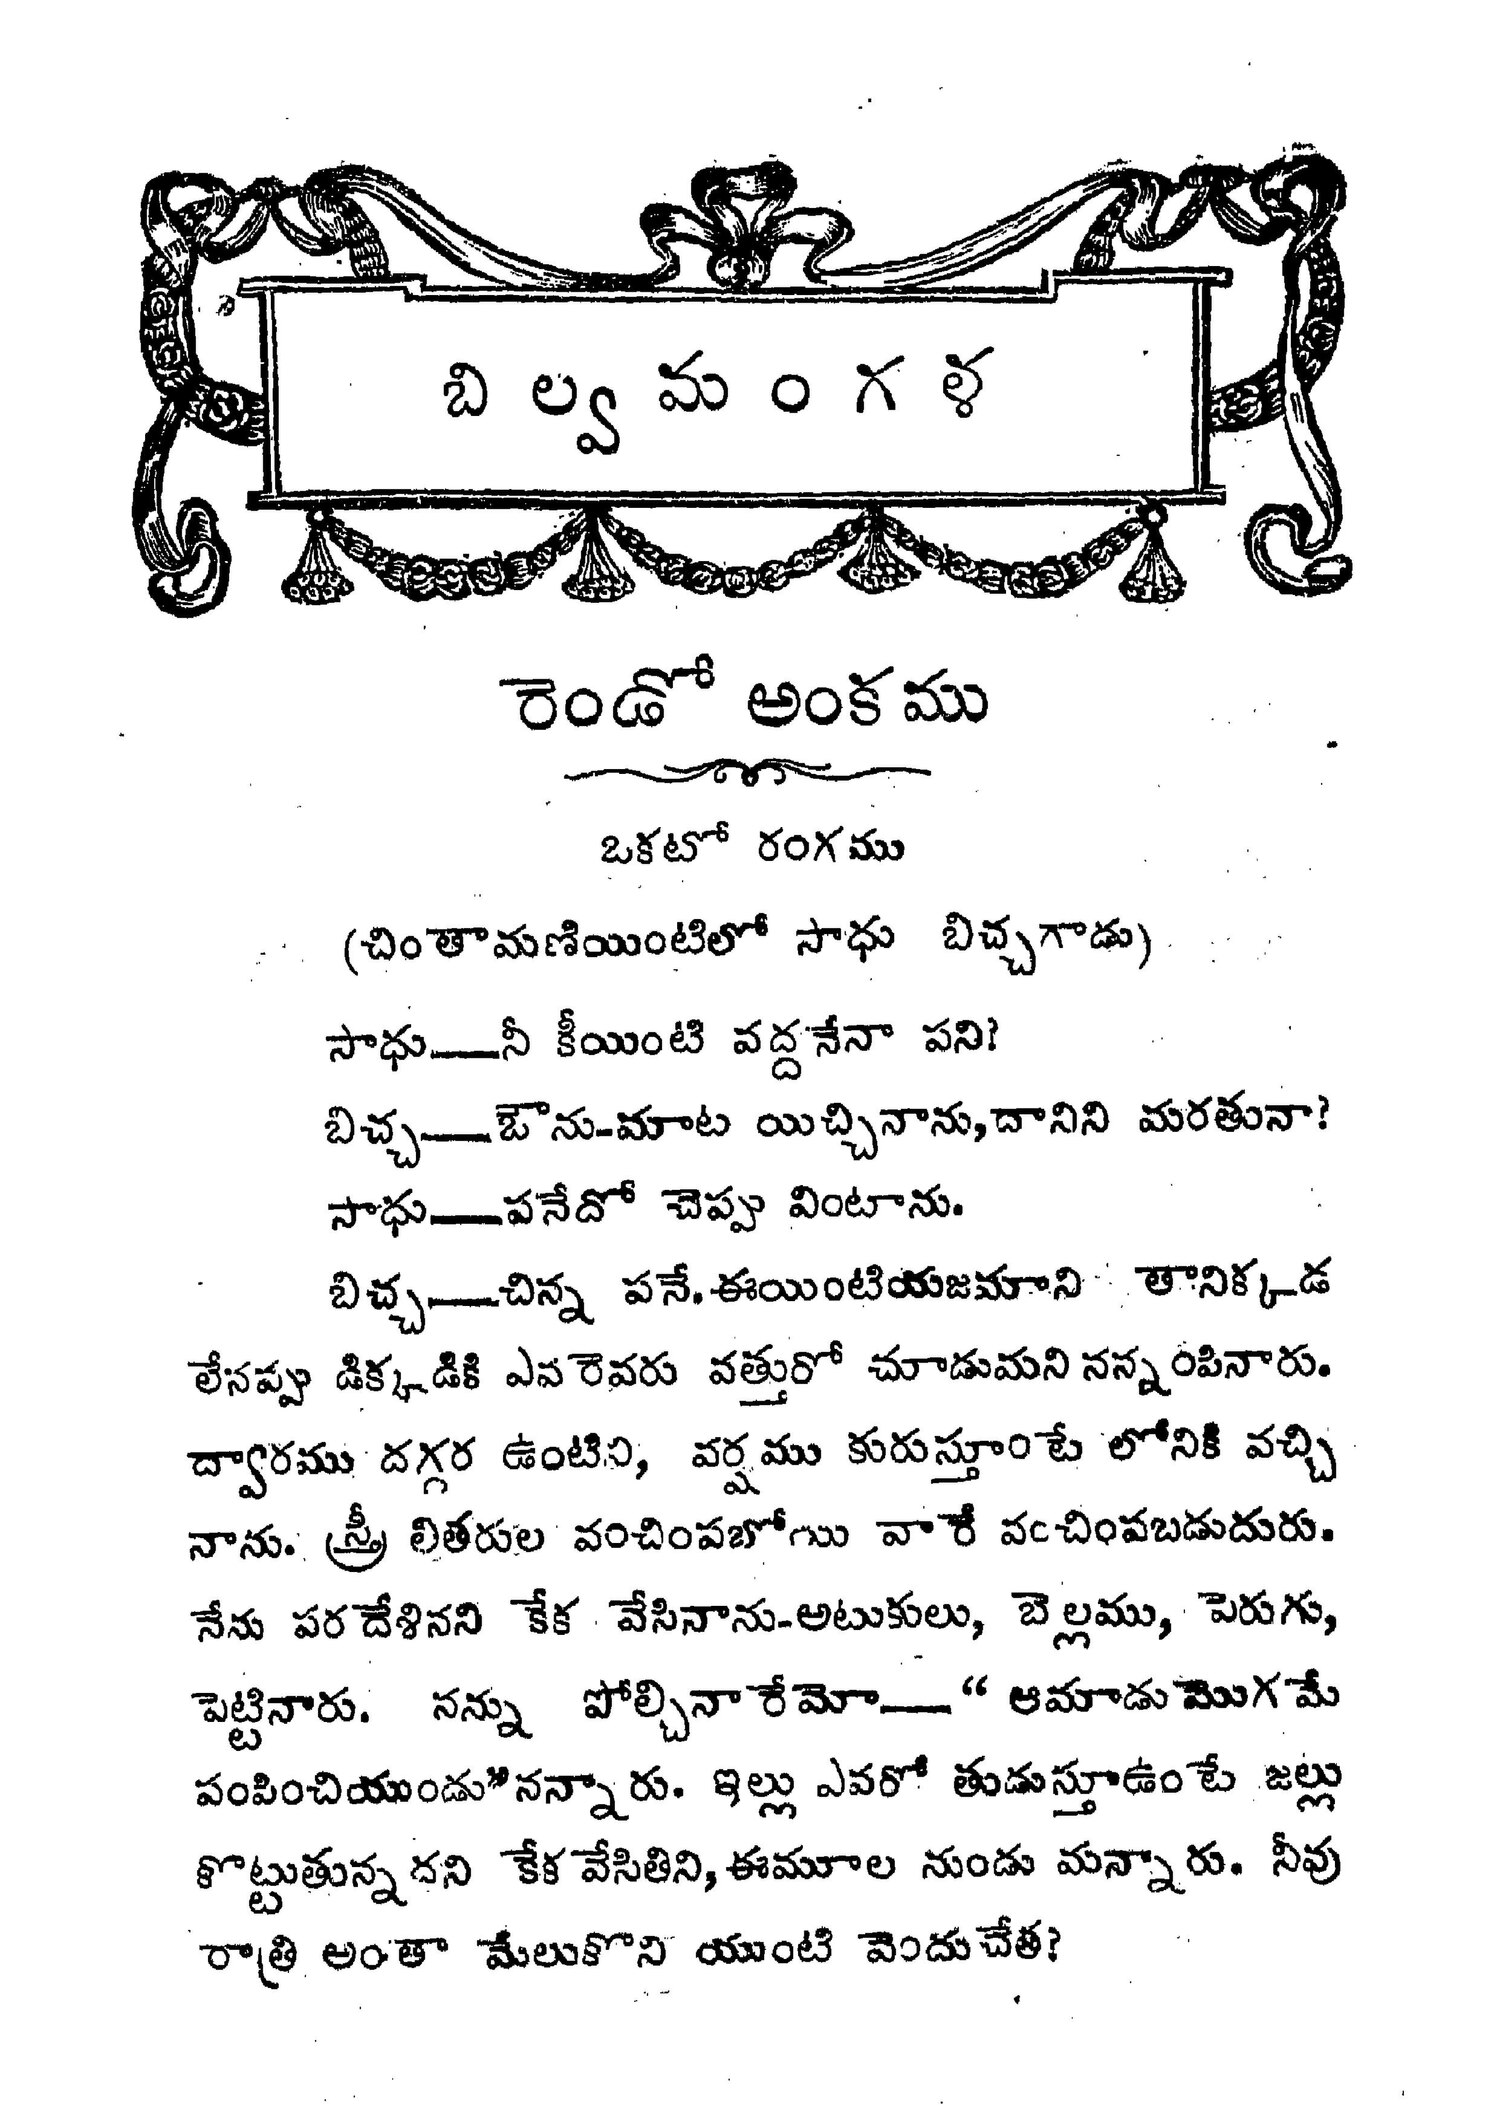సాధు - నీ కీయింటి వద్దనేనా పని?

బిచ్చ - ఔను - మాట యిచ్చినాను, దానిని మరతునా?

సాధు - పనేదో చెప్పు వింటాను.

బిచ్చ - చిన్న పనే. ఈయింటియజమాని తానిక్కడ లేనప్పు డిక్కడికి ఎవరెవరు వత్తురో చూడుమని నన్నంపినారు. ద్వారము దగ్గర ఉంటిని, వర్షము కురుస్తూంటే లోనికి వచ్చినాను. స్త్రీ లితరుల వంచింపబోయి వారే వంచింపబడుదురు. నేను పరదేశినని కేక వేసినాను - అటుకులు, బెల్లము, పెరుగు, పెట్టినారు. నన్ను పోల్చినారేమో - "ఆమాడుమొగమే పంపించియుండు"నన్నారు. ఇల్లు ఎవరో తుడుస్తూఉంటే జల్లు కొట్టుతున్నదని కేక వేసితిని, ఈమూల నుండు మన్నారు. నీవు రాత్రి అంతా మేలుకొని యుంటి వెందుచేత?